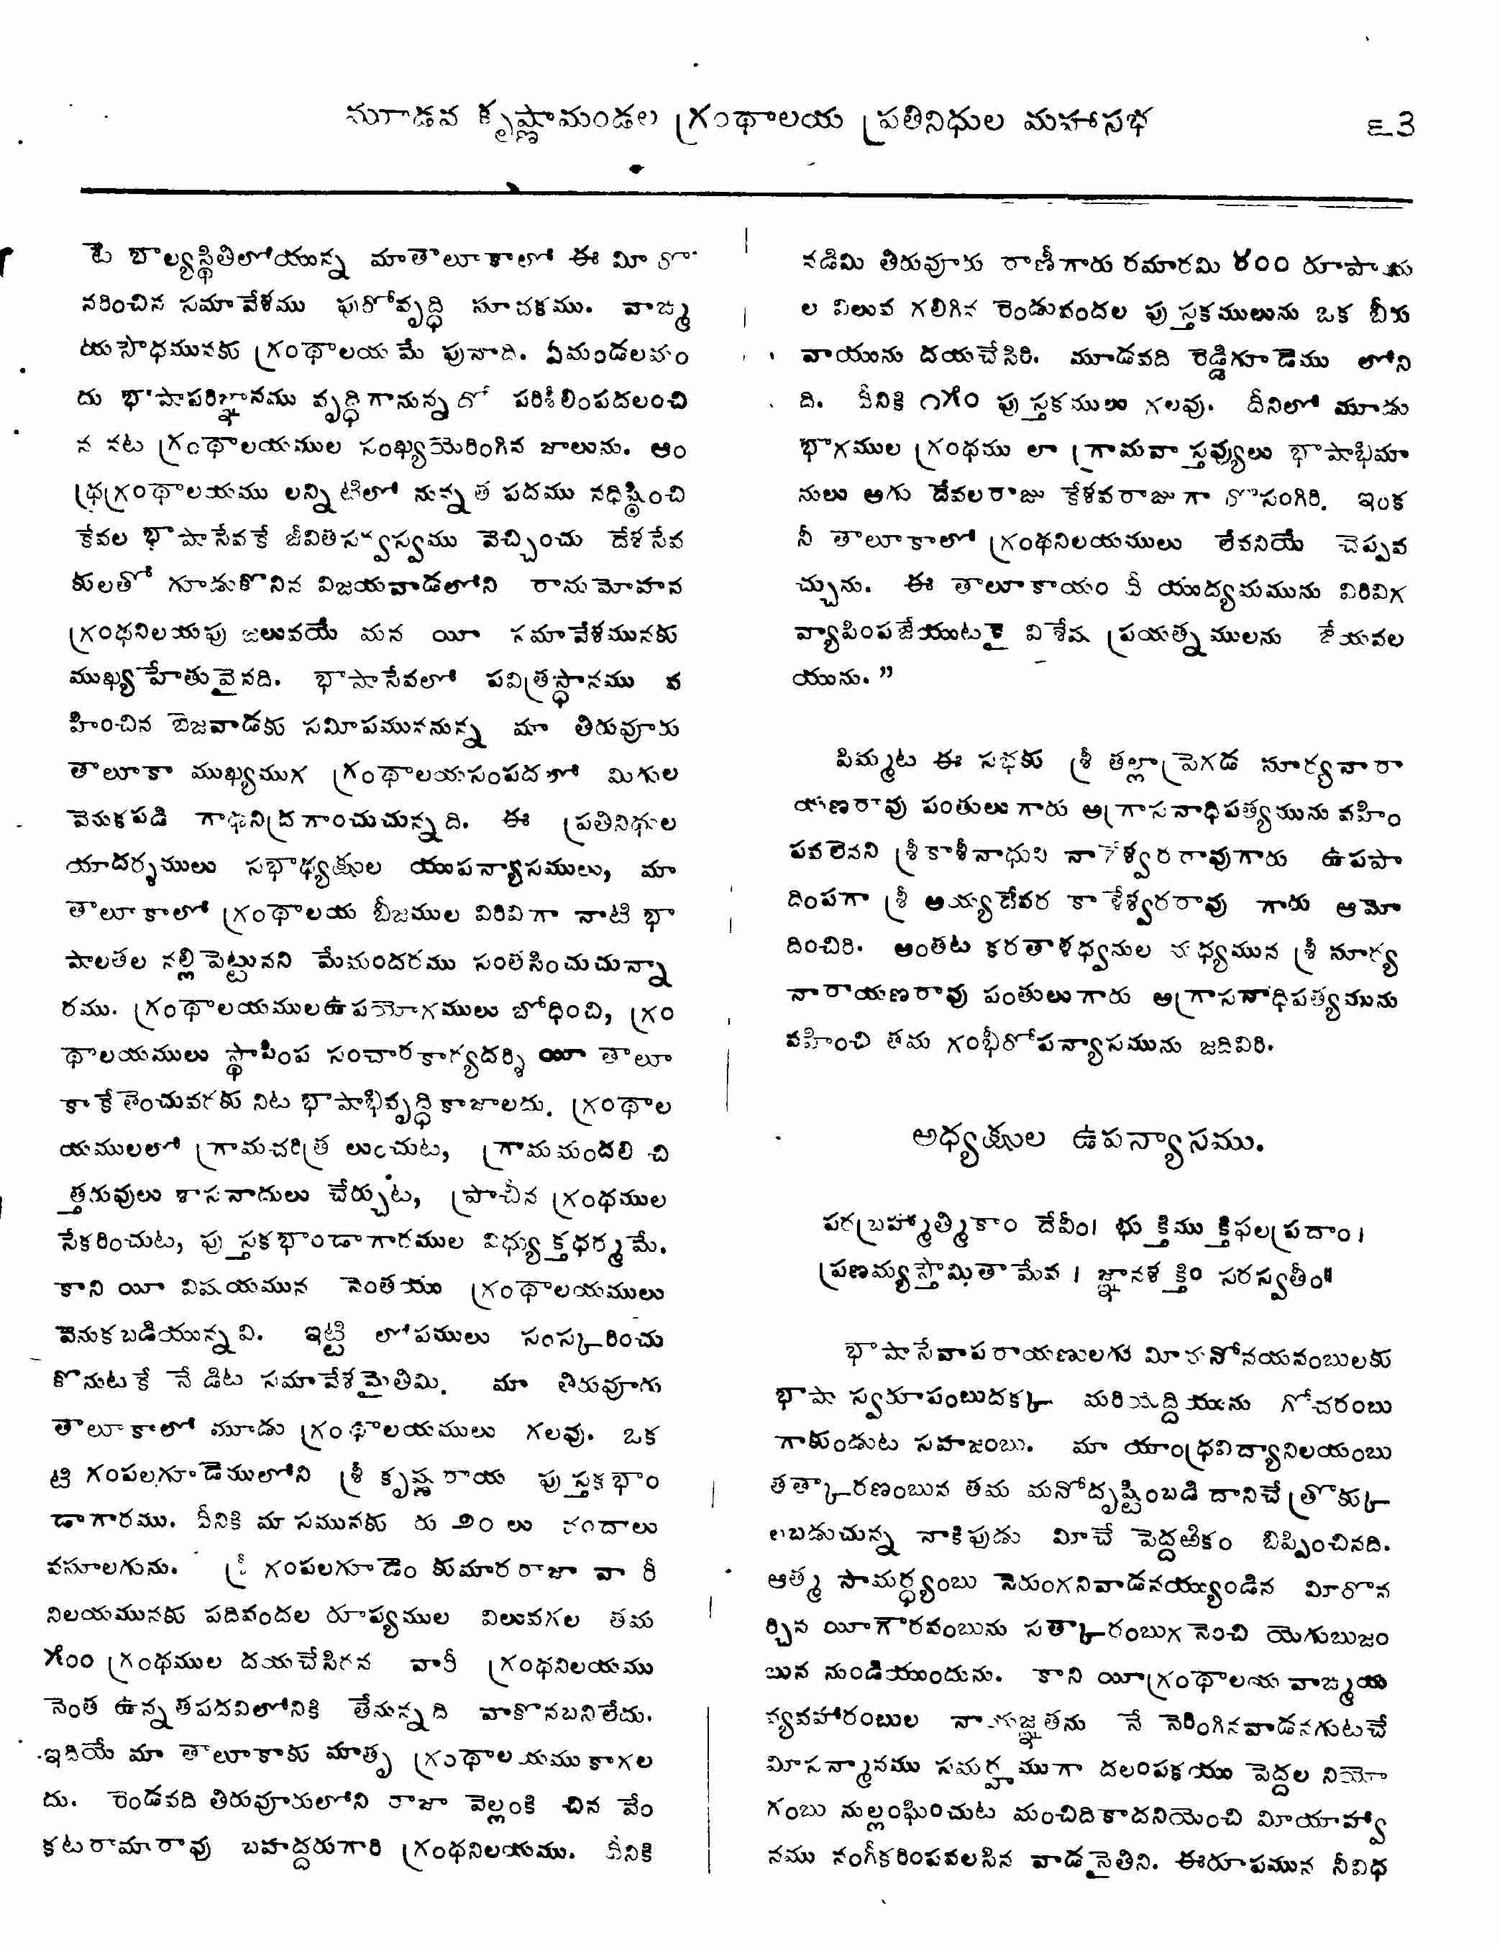టె బాల్యస్థితిలో యున్న మాతాలూకాలో ఈ మీరు నరించిన సమావేశము పురోవృద్ధి సూచకము. వాఙ్మయసౌధమునకు గ్రంథాలయమే పునాది. ఏమండలమందు భాషాపరిజ్ఞానము వృద్ధిగానున్నదో పరిశీలింపదలంచి ననట గ్రంథాలయముల సంఖ్యయెరింగిన జాలును. ఆంధ్రగ్రంథాలయము లన్నిటిలో నున్నత పదము నధిష్ఠించి కేవల భాషాసేవకే జీవితి సర్వస్వము వెచ్చించు 
దేశసేవకులతో గూడుకొనిన విజయవాడలోని రామమోహన గ్రంథనిలయపు జలువయే మన యీ సమావేశమునకు ముఖ్య హేతువైనది. భాషాసేవలో పవిత్రస్థానము వహించిన బెజవాడకు సమీపముననున్న మా తిరువూరు తాలూకా ముఖ్యముగ గ్రంథాలయ సంపదలో మిగులవెనుకపడి గాఢనిద్రగాంచుచున్నది. ఈ ప్రతినిధుల యాదర్శములు సభాధ్యక్షులు యుపన్యాసములు, మా
తాలూకాలో గ్రంథాలయ బీజములు విరివిగా నాటి భాపాలతల నల్లిపెట్టునని మేమందరము సంతసించుచున్నారము. గ్రంథాలయముల ఉపయోగములు బోధించి, గ్రంథాలయములు స్థాపింప సంచారకార్యదర్శి యీ తాలూకాకే తెంచువరకు నిట భాషాభివృద్ధి కాజాలదు. గ్రంథాలయములలో గ్రామచరిత్ర లుంచుట, గ్రామమందలి చిత్తరువులు శాసనాదులు చేర్చుట, ప్రాచీన గ్రంధముల సేకరించుట, పుస్తక భాండాగారములు విధ్యుక్తధర్మమే. కాని యీ విషయమున నె౦తయు గ్రంథాలయములు
వెనుకబడియున్నవి. ఇట్టి లోపములు సంస్కరించు కొనుటకే నేడిట సమావేశమైతిమి. మా తిరువూరు తాలూకాలో మూడు గ్రంథాలయములు గలవు. ఒకటి గంపలగూడెములోని శ్రీ కృష్ణరాయ పుస్తకభాండాగారము. దీనికి మాసమునకు రు ౨౦ లు చందాలు వసూలగును. గంపలగూడెం కుమార రాజా వారీ నిలయమునకు పదివందల రూప్యముల విలువగల తమ ౫౦౦
గ్రంధముల దయచేసిగన వారీ గ్రంథనిలయము నెంత ఉన్నత పదవిలోనికి తేనున్నది వాకొనబనిలేదు. ఇదియే మా తాలూకాకు మాతృ గ్రంథాలయము కాగలదు. రెండవది తిరువూరులోని రాజా వెల్లంకి చిన వేంకటరామారావు బహద్దరు గారి గ్రంథానిలయము. దీనికి నడిమి తిరువూరు రాణీగారు రమారమి ౪౦౦ రూపాయల విలువ గలిగిన రెండువందల పుస్తకములును ఒక బీరువాయును దయచేసిరి. మూడవది రెడ్డిగూడెము లోని8. దీనికి ౧౫౦ పుస్తకములు గలవు. దీనిలో మూడు భాగముల గ్రంధములా గ్రామవాస్తవ్యులు భాషాభిమానులు అగు దేవల రాజు కేశవరాజుగా నొసంగిరి. ఇంక నీ తాలూకాలో గ్రంథనిలయములు లేవనియే చెప్పవచ్చును. ఈ తాలూకాయందీ యుద్యమమును విరివిగ వ్యాపింపజేయుటకై విశేష ప్రయత్నములను జేయవలయును.

పిమ్మట ఈ సభకు శ్రీ తల్లాప్రెగడ సూర్యనారాయణరావు పంతులుగారు అగ్రాసనాధిపత్యమును వహింపవలెనని శ్రీ కాశీనాధుని నాగేశ్వరరావుగారు ఉపపాదింపగా శ్రీ అయ్యదేవర కాళేశ్వరరావు గారు ఆమోదించిరి. అంతట కరతాళధ్వనుల మధ్యమున 
శ్రీ సూర్యనారాయణరావు పంతులుగారు అగ్రాసనాధిపత్యమును వహించి తమ గంభీరోపన్యాసమును జదివిరి.

పరబ్రహ్మాత్మికాం దేవీం|భుక్తిముక్తిఫలప్రదాం!
ప్రణమ్యస్తామితా మేవ|జ్ఞానశక్తిం సరస్వతీం 
భాషాసేవాపరాయణులగు మీరు మనోయనంబులకు భాషా స్వరూపంబుదక్క మరియద్దియును గోచరంబు గాకుండుట సహజంబు.
మా యాంధ్రవిద్యానిలయంబు తత్కారణంబున తమ మనోదృష్టింబడి దానిచే త్రొక్కులబడుచున్న నాకిపుడు మీచే పెద్దఱికం బిప్పించినది. ఆత్మ సామర్ధ్యంబు నెరుంగనివాడవయ్యుండిన విూరొనర్చిన యీ గౌరవంబును సత్కారంబుగ నెంచి యెగుబుజం
బున నుండియుందును. కాని యీ గ్రంథాలయ వాఙ్మయ వ్యవహారంబులు నాయజ్ఞతను నే నెరింగినవాడనగుటచే మీ సన్మానము సమర్హముగా దలంపకయు పెద్దల నియోగంబు నుల్లంఘించుట మంచిది కాదనియెంచి మియాహ్వానము నంగీకరింపవలసిన వాడనైతిని. ఈరూపమున నీవిధ